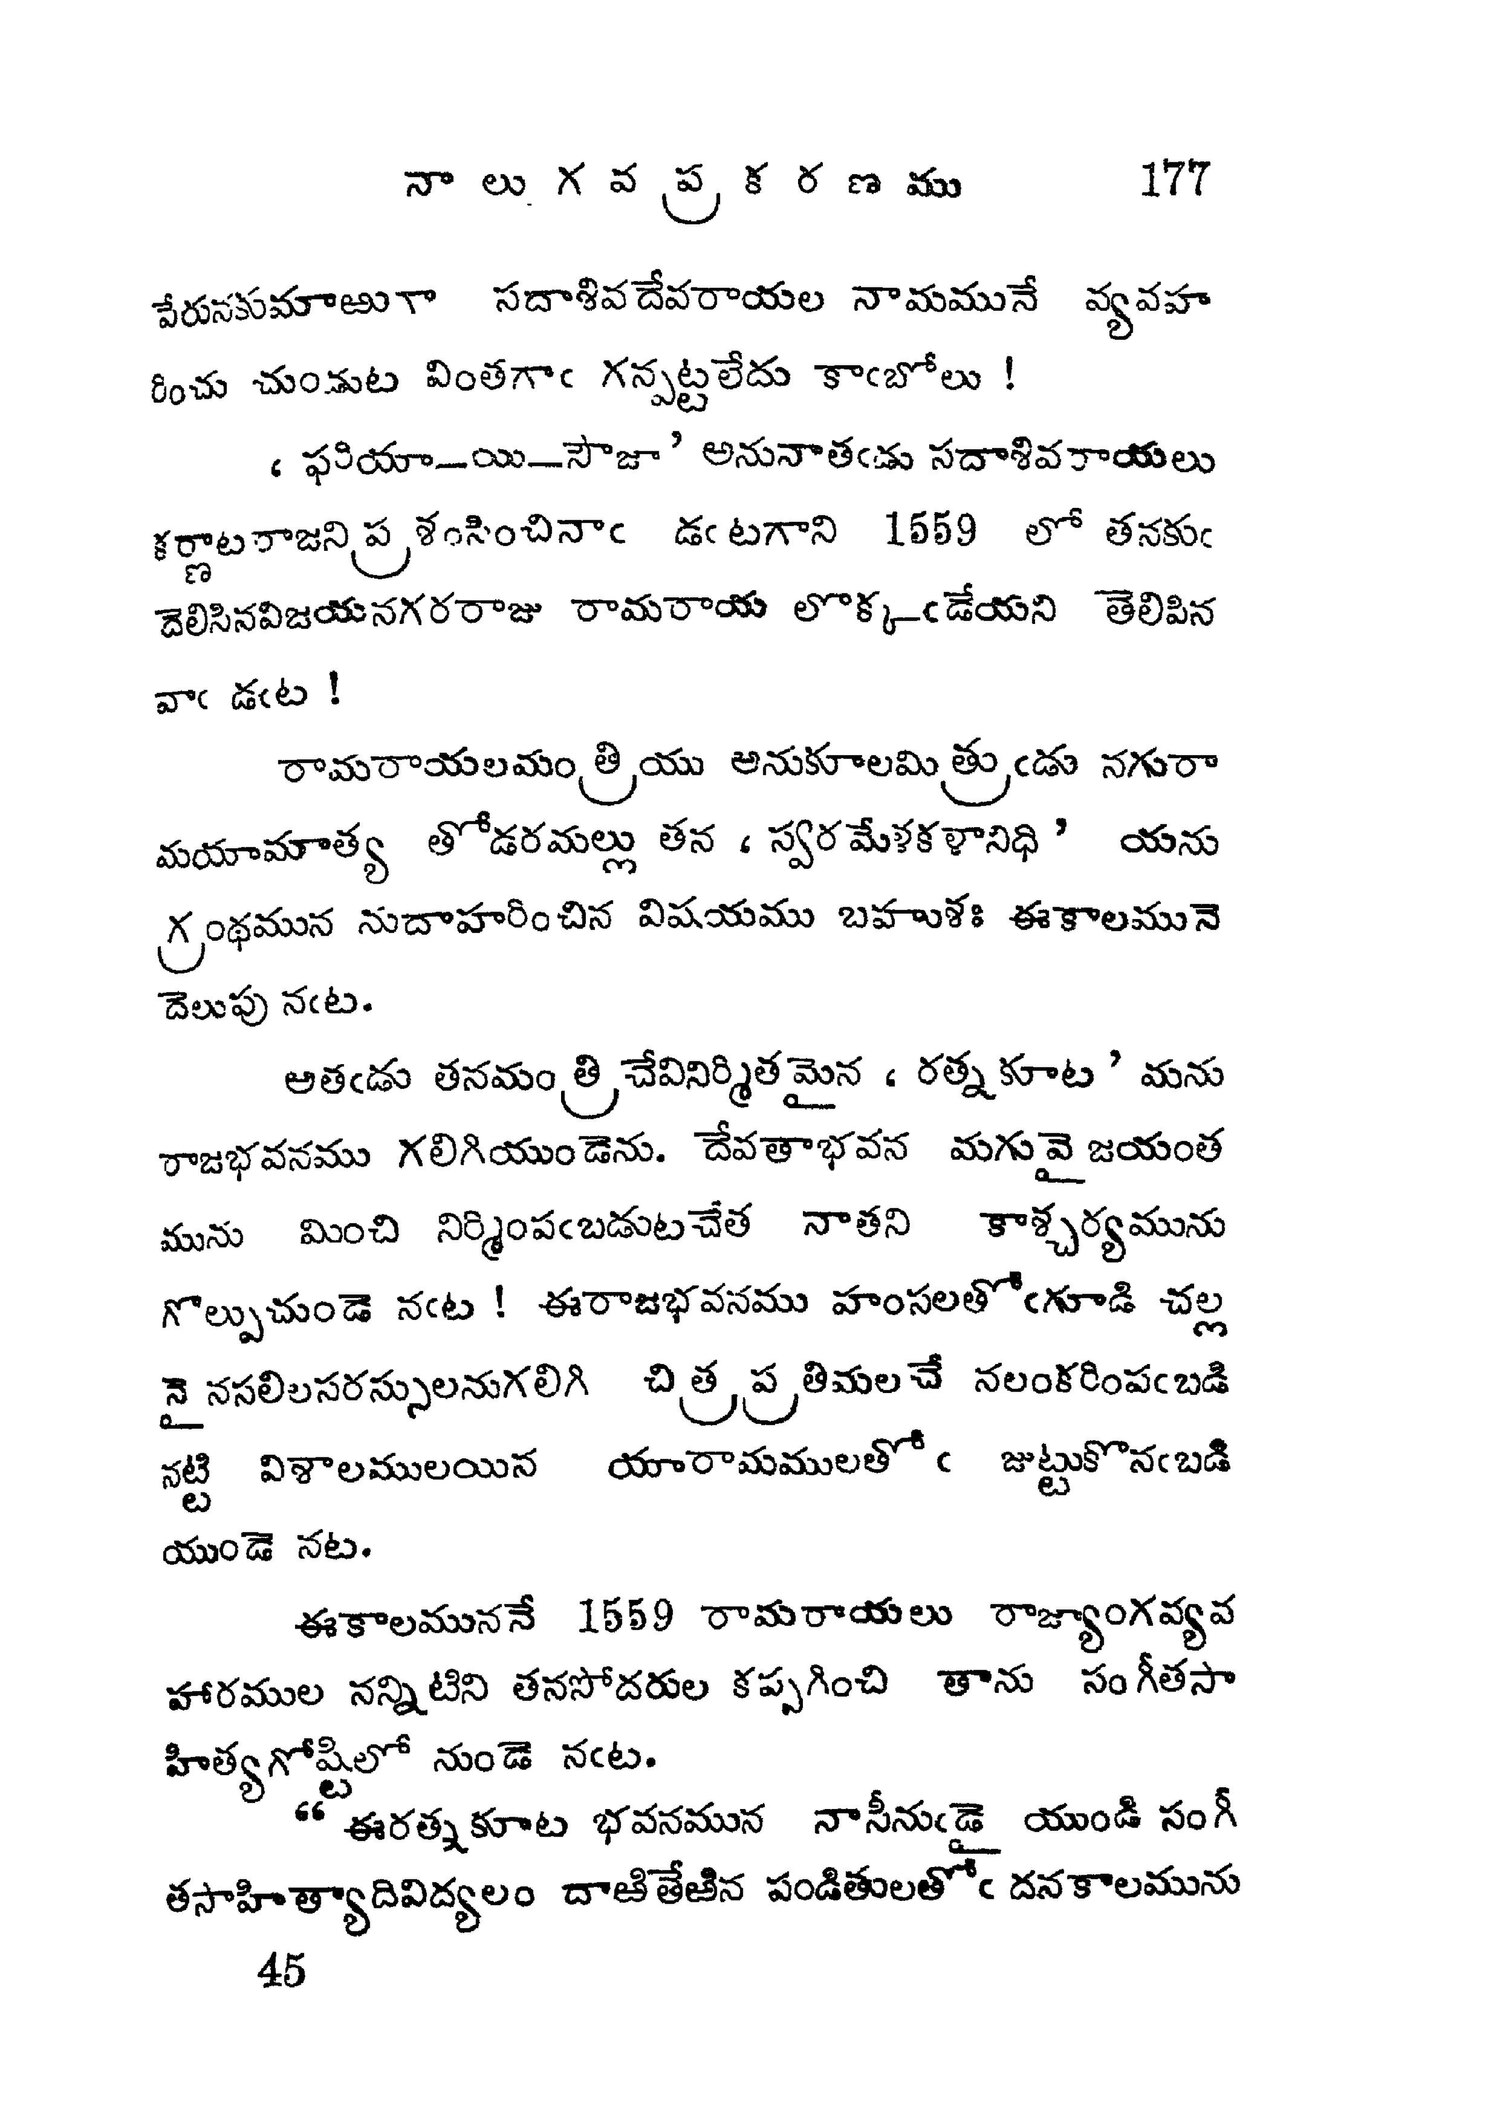పేరునకుమాఱుగా సదాశివదేవరాయల నామమునే వ్యవహరించు చుండుట వింతగా గన్పట్టలేదు కాబోలు !

'ఫెరియా - యి - సౌజా' అనునాతడు సదాశివరాయలు కర్ణాటరాజనిప్రశంసించినా డటగాని 1559 లో తనకు దెలిసినవిజయనగరరాజు రామరాయ లొక్కడేయని తెలిపినవా డట !

రామరాయలమంత్రియు అనుకూలమిత్రుడు నగురామయామాత్య తోడరమల్లు తన 'స్వరమేళకళానిధి' యను గ్రంథమున నుదాహరించిన విషయము బహుశ: ఈకాలమునె దెలుపు నట.

అతడు తనమంత్రిచేవినిర్మితమైన 'రత్నకూట^ మను రాజభవనము గలిగియుండెను. దేవతాభవన మగువైజయంతమును మించి నిర్మింపబడుటచేత నాతని కాశ్చర్యమును గొల్పుచుండె నట ! ఈరాజభవనము హంసలతోగూడి చల్లనైనసలిలసరస్సులనుగలిగి చిత్రప్రతిమలచే నలంకరింపబడినట్టి విశాలములయిన యారామములతో జుట్టుకొనబడి యుండె నట.

ఈకాలముననే 1559 రామరాయలు రాజ్యాంగవ్యవహారముల నన్నిటిని తనసోదరుల కప్పగించి తాను సంగీతసాహిత్యగోష్టిలో నుండె నట.

"ఈరత్నకూట భవనమున నాసీనుడై యుండి సంగీతసాహిత్యాదివిద్యలం దాఱితేఱిన పండితులతో దనకాలమును